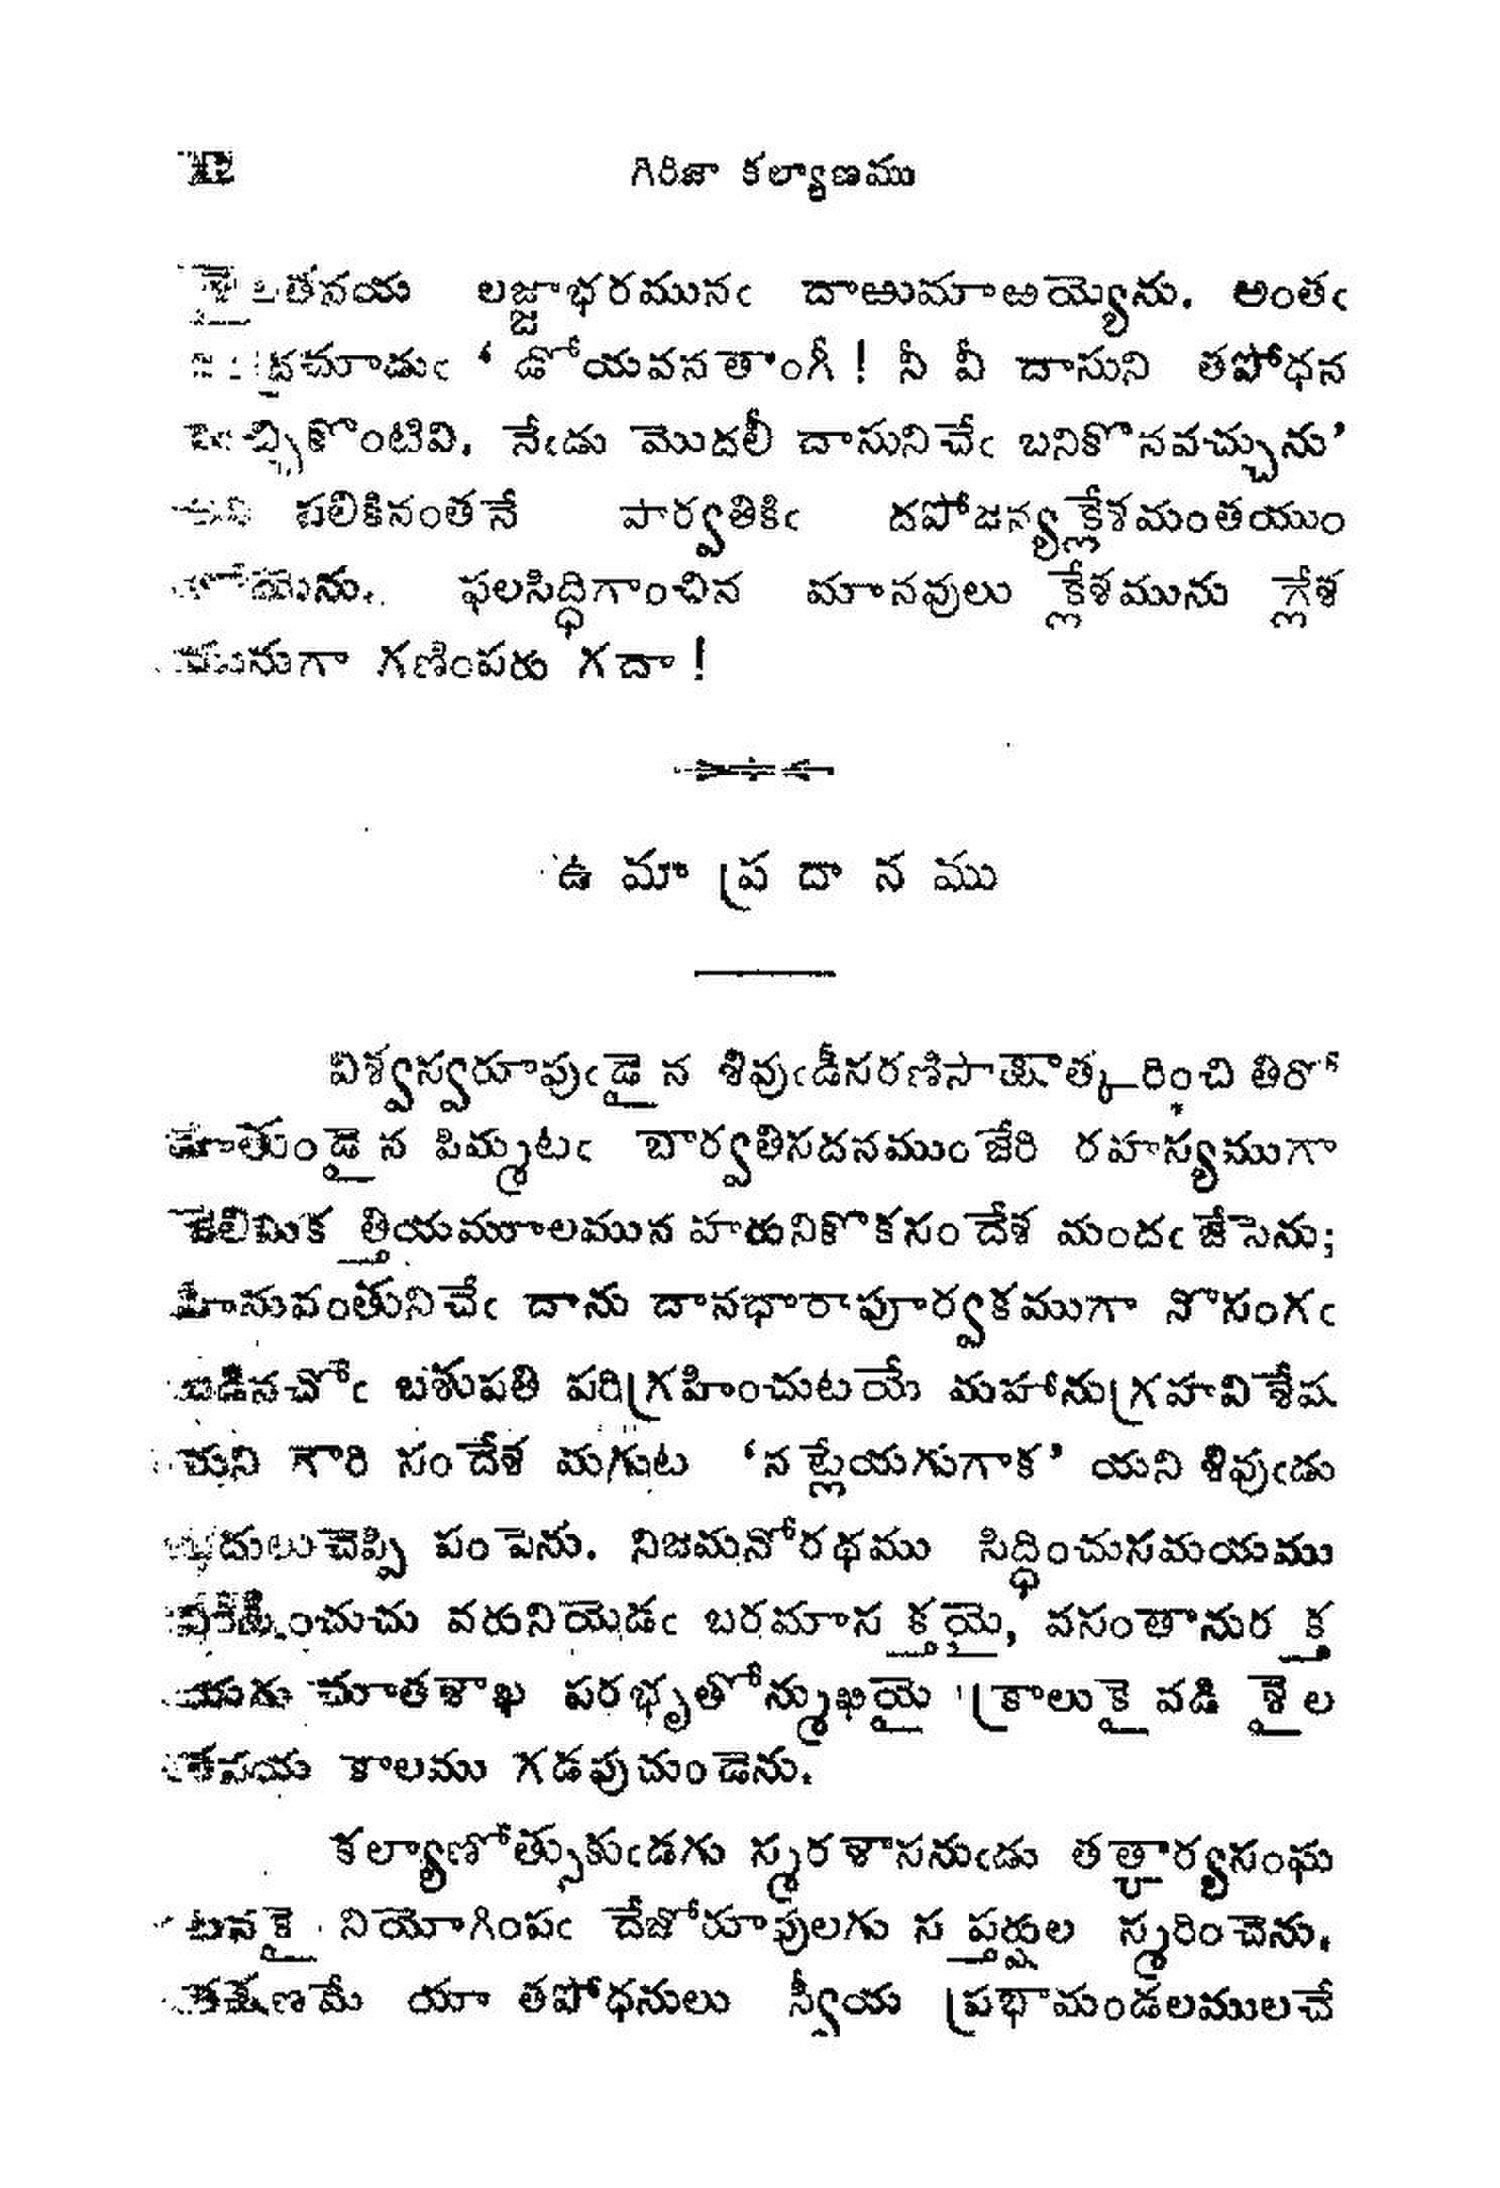శైలతనయ లజ్జాభరమునఁ దాఱుమాఱయ్యెను. అంతఁ చంద్రచూడుఁ ' డోయవనతాంగీ! నీ వీ దాసుని తపోధన
మెచ్చికొంటివి, నేఁడు మొదలీ దాసుని చేఁ బనికొనవచ్చును' అని పలికినంతనే పార్వతికిఁ దపోదన్య క్లేశమంతయుం బొయెను. ఫలసిద్ధిగాంచిన మానవులు క్లేశమును గ్లేశమునుగా గణింపరు గదా!

విశ్వస్వరూపుఁడైన శివుఁడీ సరణి సాక్షాత్కరించి తిరోహేతుండైన పిమ్మటఁ బార్వతిసదనముంజేరి రహస్యముగా
చెలిమికత్తియమూలమున హరునికొకసందేశ మందఁ జేసెను; హిమవంతునిచేఁ దాను దానధారాపూర్వకముగా నొసంగఁ
బడినచోఁ బశుపతి పరిగ్రహించుటయే మహానుగ్రహవిశేషమని గౌరి సందేశ మగుట 'నట్లేయగుగాక' యని శివుఁడు
బదులు చెప్పి పంపెను. నిజమనోరథము సిద్ధించుసమయము నిరీక్షించుచు వరునియెడఁ బరమాసక్తయై, వసంతానురక్త
యగు చూతశాఖ పరభృతోన్ముఖియై 'క్రాలు కైవడి శైలతనయ కాలము గడపుచుండెను.

కల్యాణోత్సుకుఁడగు స్మరశాసనుఁడు తత్కార్యసంఘటనకై నియోగింపఁ దేజోరూపులగు సప్తర్షుల స్మరించెను. తక్షణమే యా తపోధనులు స్వీయ ప్రభామండలములచే